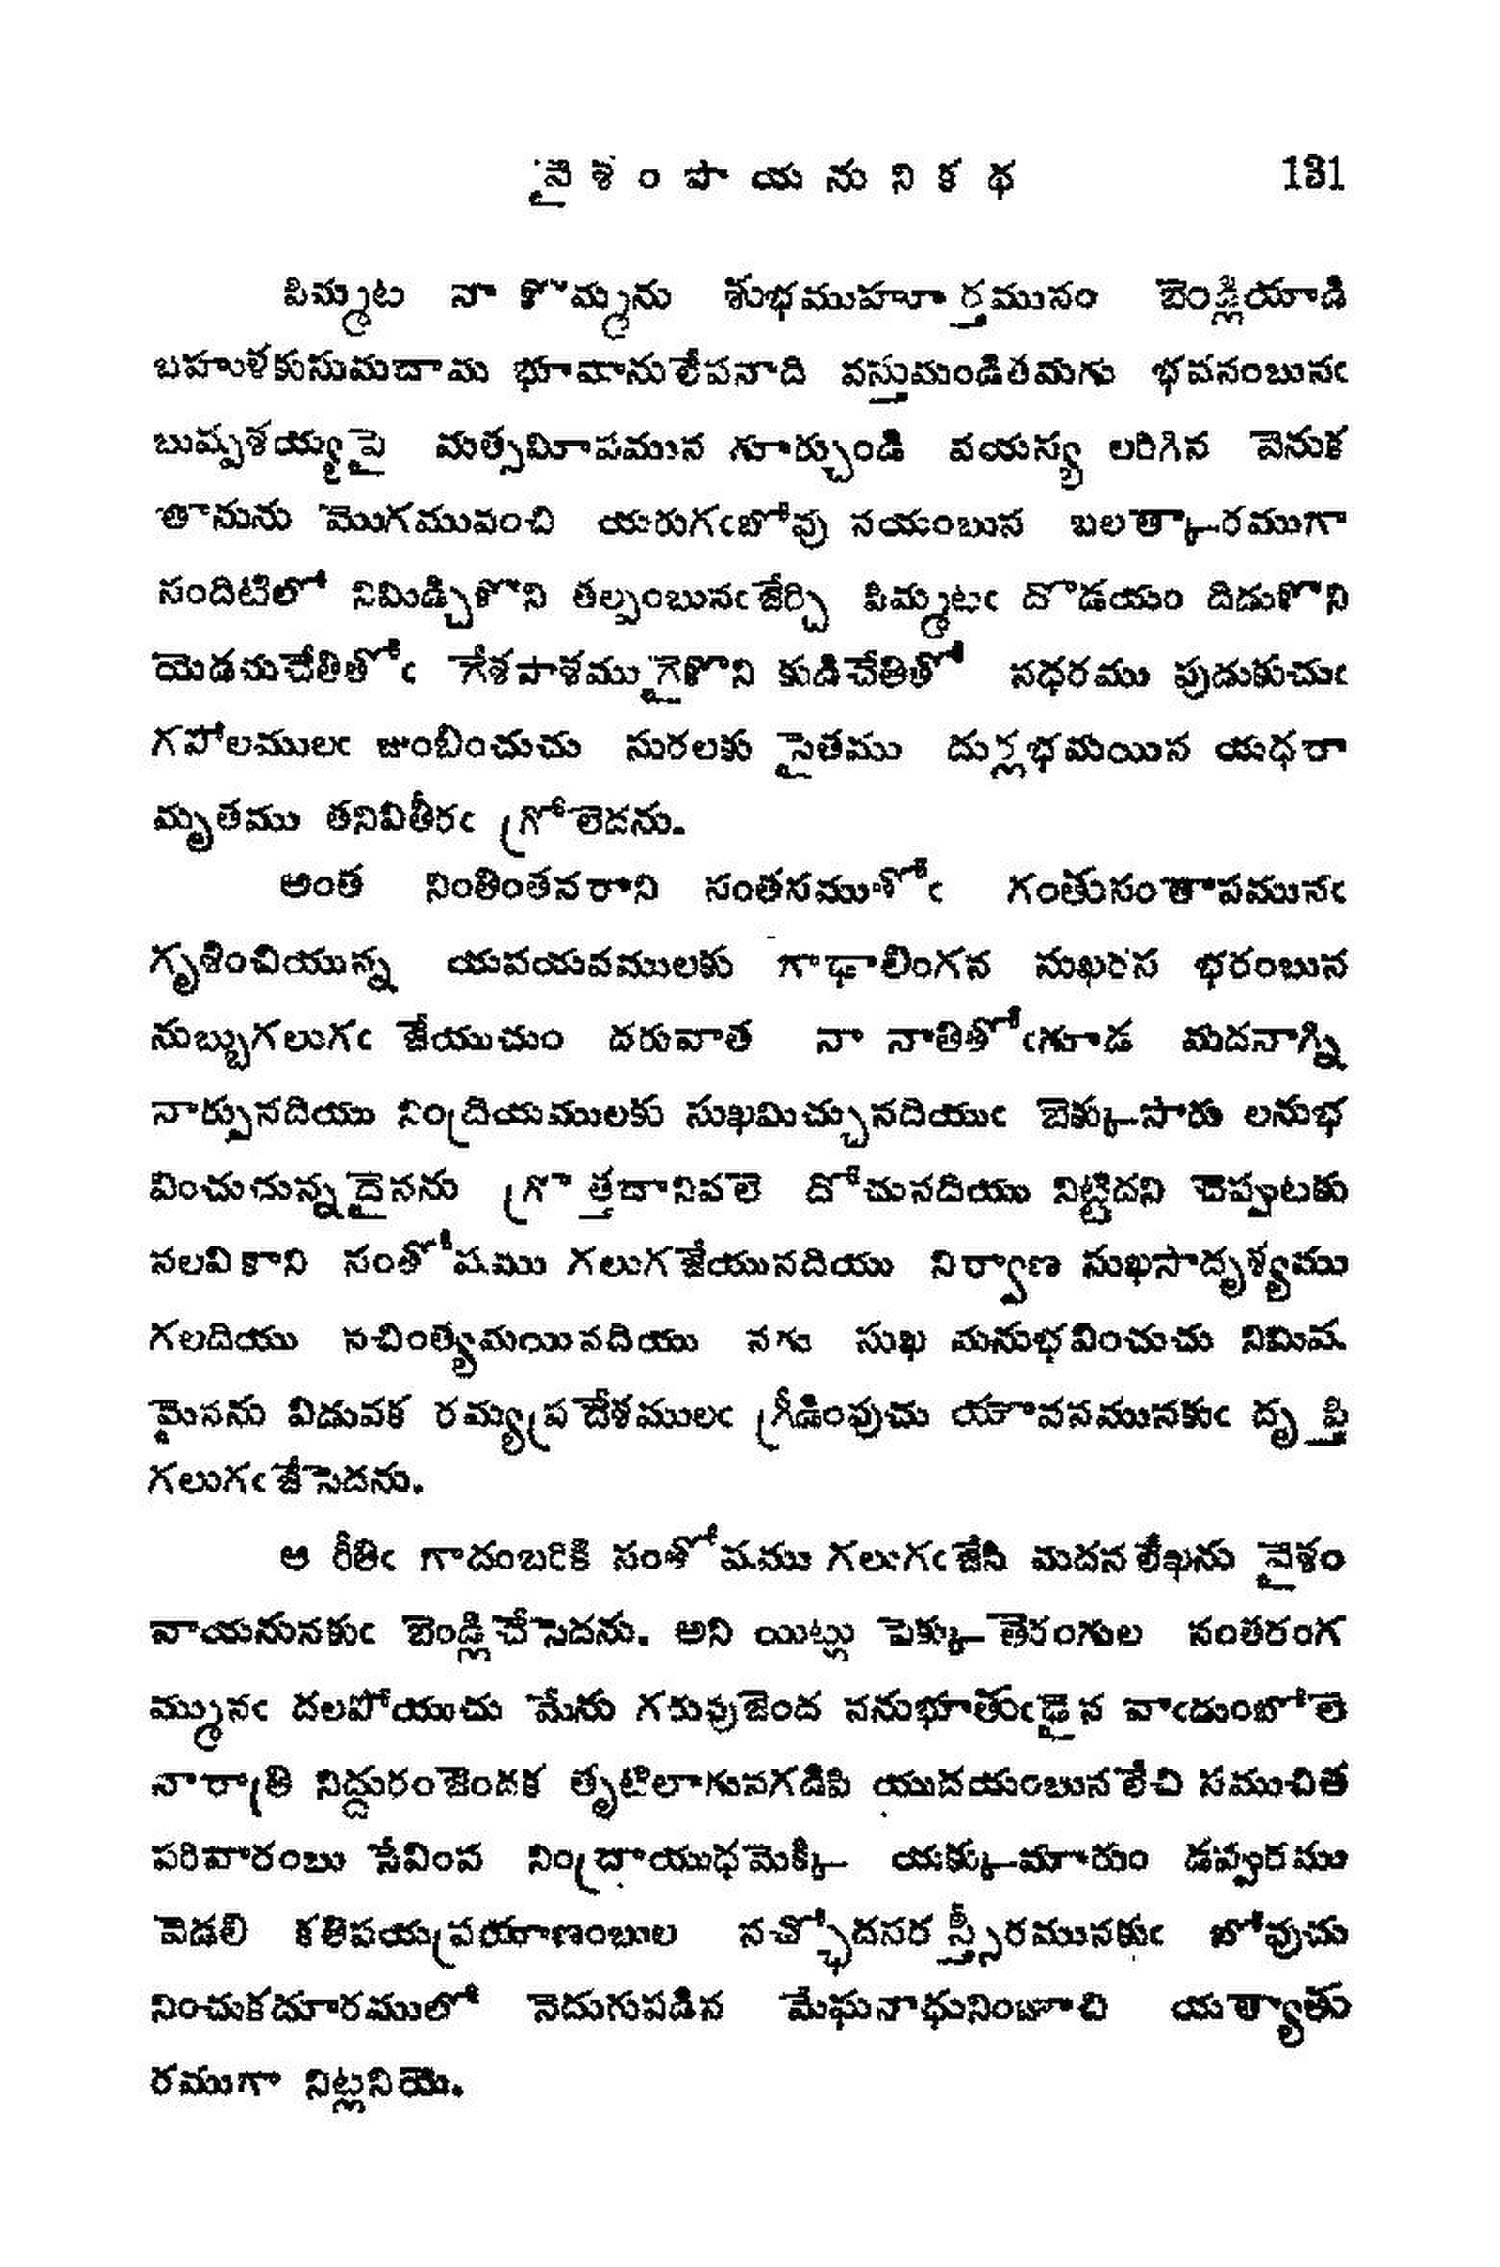పిమ్మట నా కొమ్మను శుభముహూర్తమునం బెండ్లియాడి బహుళకుసుమదామ భూషానులేపనాది వస్తుమండితమగు భవనంబునఁ బుష్పశయ్యపై మత్సమీపమున గూర్చుండి వయస్య లరిగిన వెనుక తానును మొగమువంచి యరుగఁబోవు నయంబున బలత్కారముగా సందిటిలో నిమిడ్చికొని తల్పంబునఁజేర్చి పిమ్మటఁ దొడయం దిడుకొని యెడమచేతితోఁ గేశపాశముగైకొని కుడిచేతిలో నధరము పుడుకుచుఁ గపోలములఁ జుంబించుచు సురలకు సైతము దుర్లభమయిన యధరామృతము తనివితీరఁ గ్రోలెదను.

అంత నింతింతనరాని సంతసముతోఁ గంతుసంతాపమునఁ గృశించియున్న యవయవములకు గాఢాలింగన సుఖరస భరంబున నుబ్బుగలుగఁ జేయుచుం దరువాత నా నాతితోఁగూడ మదనాగ్ని నార్పునదియు నింద్రియములకు సుఖమిచ్చునదియుఁ బెక్కుసారు లనుభవించుచున్నదైనను గ్రొత్తదానివలె దోచునదియు నిట్టిదని చెప్పుటకు నలవికాని సంతోషము గలుగజేయునదియు నిర్వాణ సుఖసాదృశ్యము గలదియు సచింత్యమయినదియు నగు సుఖ మనుభవించుచు నిమిషమైనను విడువక రమ్యప్రదేశములఁ గ్రీడింపుచు యౌవనమునకుఁ దృప్తి గలుగఁ జేసెదను.

ఆ రీతిఁ గాదంబరికి సంతోషము గలుగఁజేసి మదనలేఖను వైశంపాయనునకుఁ బెండ్లిచేసెదను. అని యిట్లు పెక్కు తెరంగుల నంతరంగమ్మునఁ దలపోయుచు మేను గరువుజెంద ననుభూతుఁడైన వాఁడుంబోలె నారాత్రి నిద్దురంజెందక తృటిలాగునగడిపి యుదయంబునలేచి సముచిత పరివారంబు సేవింప నింద్రాయుధమెక్కి యక్కుమారుం డప్పురము వెడలి కతిపయప్రయాణంబుల నచ్ఛోదసరస్త్సీరమునకుఁ బోవుచు నించుకదూరములో నెదురుపడిన మేఘనాధునింజూచి యత్యాతురముగా నిట్లనియె.